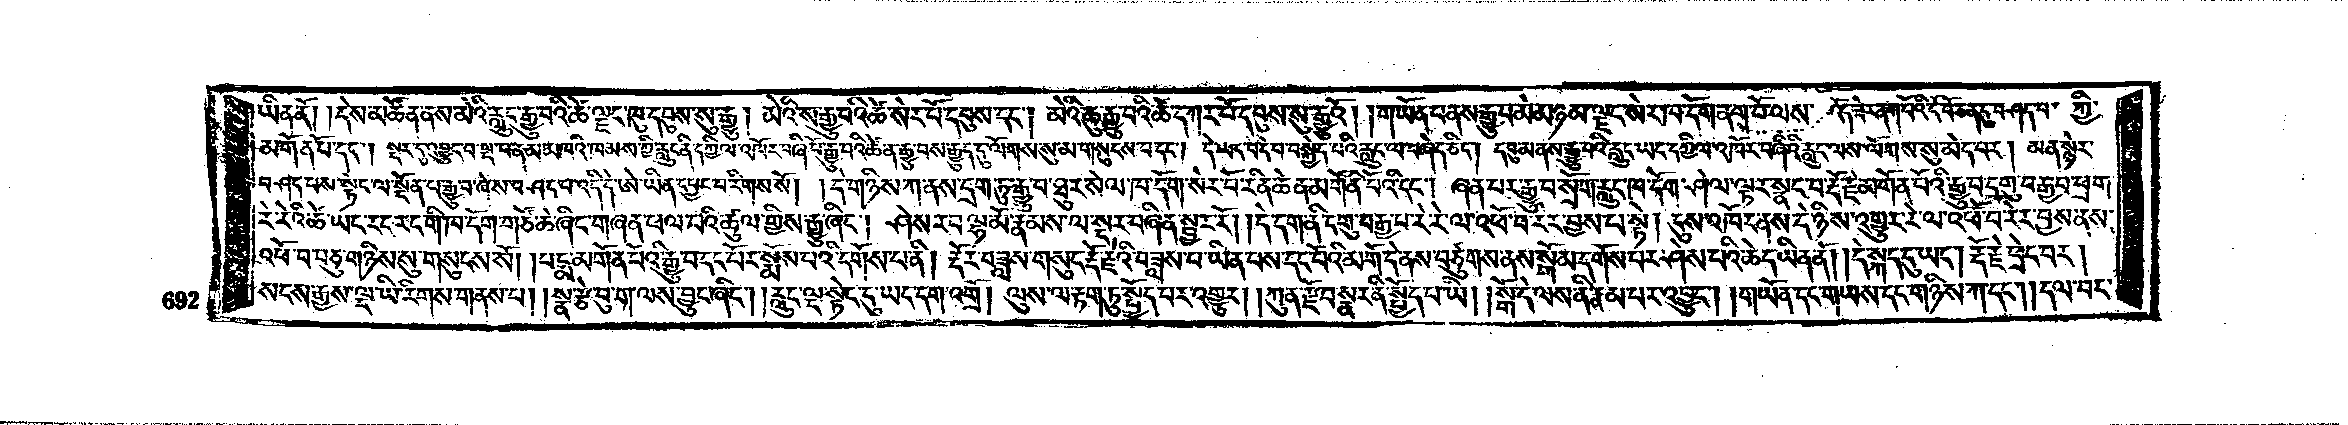ཡིན་ནོ། །དེས་མཚོན་ནས་མེའི་རླུང་རྒྱུ་བའི་ཚོ་ལྗང་ཁུ་དབུས་སུ་རྒྱུ། མེའི་ས་རྒྱུ་བའི་ཚེ་སེར་པོ་དབུས་དང་། མེའི་ཆུ་རྒྱུ་བའི་ཚེ་དཀར་པོ་དབུས་སུ་རྒྱུའོ། །གཡོན་པ་ནས་རྒྱ་བ་མེ་མཉམ་ལྗང་སེར་ཁ་དོག་ནག་པོ་ལས་འོད་ཟེར་ནག་པོའི་ངོ་བོ་ཅན་དུ་བཤད་པ་ཀྱི་
མགོན་པོ་དང་། སྔར་དུ་འབྱུང་བ་ལྔ་པ་ནམ་མཁའི་ཁམས་ཀྱི་རླུང་ནི་དཀྱིལ་འཁོར་བཞི་པོ་རྒྱུ་བའི་ཚེ་ན་རྒྱུ་བས་རྒྱུད་དུ་ལོགས་སུ་མ་གསུངས་པ་དང་། དེ་ཡང་བདེ་བ་བསྐྱེད་པའི་རླུང་ལ་བཞེད་ཅིང་། དབུ་མ་ནས་རྒྱུ་བའི་རླུང་ཡང་དཀྱིལ་འཁོར་བཞིའི་རླུང་ལས་ལོགས་སུ་མེད་པར། མན་སྙེར་
བཤད་པས་སྟེང་ལ་སྔོན་པ་རྒྱུ་བ་ཞེས་བཤད་པ་འདི་དེ་ཨེ་ཡིན་དཔྱད་པ་རིགས་སོ། །དེ་གཉིས་ཀ་ནས་དྲག་ཏུ་རྒྱུ་བ་ཐུར་སེལ་ཁ་དོག་སེར་པོ་རིན་ཆེན་མགོན་པོའི་དང་། ཞན་པར་རྒྱུ་བ་སྲོག་རླུང་ཁ་དོག་ཤེལ་ལྟར་སྣང་བ་རྡོ་རྗེ་མགོན་པོའི་རྒྱུ་བ་དགུ་བརྒྱབ་ཕྲག་
རེ་རེའི་ཚེ་ཡང་རང་རང་གི་ཁ་དོག་གཙོ་ཆེ་ཞིང་གཞན་ཕལ་པའི་ཚུལ་གྱིས་རྒྱུ་ཞིང་། ཤེས་རབ་ལྷ་མོ་རྣམས་ལ་སྔར་བཞིན་སྦྱར་རོ། །དེ་དག་ནི་དགུ་བརྒྱ་པ་རེ་རེ་ལ་འཕོ་བ་རེར་བྱས་པ་སྟེ། དུས་འཁོར་ནས་དེ་ཉིས་འགྱུར་རེ་ལ་འཕོ་བ་རེར་བྱས་ནས་
འཕོ་བ་བཅུ་གཉིས་སུ་གསུངས་སོ། །པདམ་མགོན་པོའི་རྒྱུ་བ་དང་པོར་སྨོས་པའི་དགོས་པ་ནི། རྡོར་བཟླས་གསུང་རྡོ་རྗེའི་བཟླས་པ་ཡིན་པས་དང་པོའི་མགོ་དེ་ནས་བཙུགས་ནས་སྒོམ་དགོས་པར་ཤེས་པའི་ཆེད་ཡིན་ནོ། །དེ་སྐད་དུ་ཡང་། རྡོ་རྗེ་ཕྲེང་བར།
སངས་རྒྱས་ལྔ་ཡེ་རིགས་གནས་པ། །སྣ་རྩེ་བུ་ག་ལས་བྱུང་ཞིང་། །རླུང་ལྔ་སྟེང་དུ་ཡང་དག་འགྲོ། ལུས་ལ་རྟག་ཏུ་སྤྱོད་པར་འགྱུར། །ཀུན་རྫོབ་སྣར་ནི་སྤྱོད་པ་ཡི། །སྒོ་དེ་ལས་ནི་རྣམ་པར་འབྱུང་། །གཡོན་དང་གཡས་དང་གཉིས་ཀ་དང་། དལ་བར་